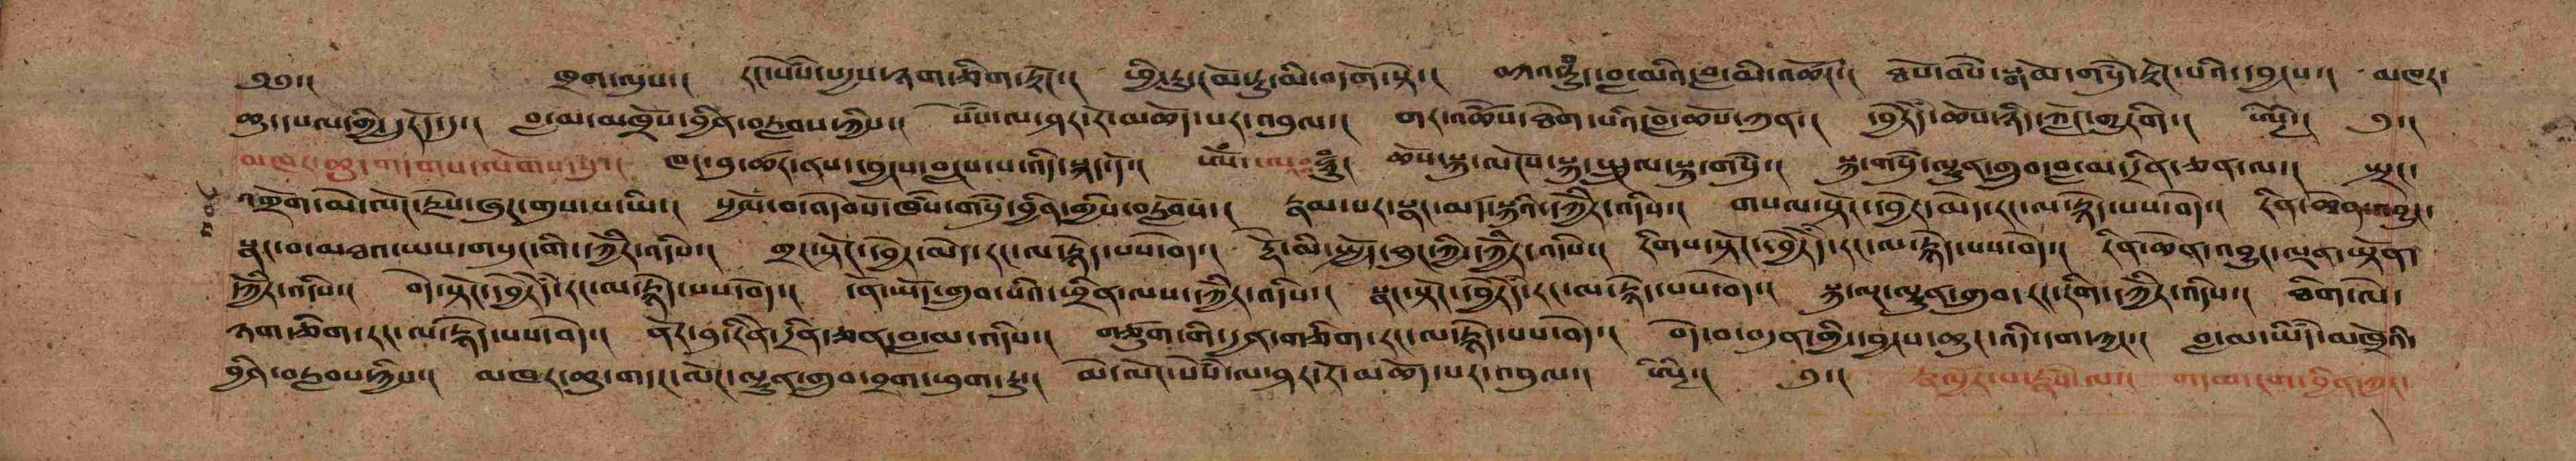༄༅་། ཁྲག་ལུས། རང་སེམས་སངས་རྒྱས་ཉག་ཅིག་རྟོགས། ཕྱི་རུ་ངོམ་རུ་བདོག་སྟེ། བཀའ་རྒྱུད་བླ་མའི་བླ་མི་འཚོང་། ཐོས་བསམ་སྒོམ་གསུམ་རྟོགས་པའི་དབྱངས། མཁར་
ཆུ་དཔལ་གྱི་དུར་ཁྲོད་དུ། བླ་མ་མཁའ་འགྲོས་བྱིན་བརླབས་ཀྱིས། སེམས་ལ་ཤར་རོ་མཆོད་པར་འབུལ། གར་འཚམས་ཐེག་པའི་བློ་ཆོས་ཀུན། དབྱེར་མེད་ཆོས་ཉིད་ཀློང་གྱུར་ཅིག ཨིཊི། ༄་། 
མཁར་ཆུང་གདགས་ལེགས་སུ། ཁང་བུ་ཚར་ནས་དབྱངས་བླངས་པ་འདི་སྐད་དོ། ཨོཾ་ཨཱཿཧཱུཾ། ཆོས་སྐུ་ལོངས་སྐུ་སྤྲུལ་སྐུ་གསུམ། སྐུ་གསུམ་ལྷུན་གྲུབ་བླ་མ་དྲིན་ཅན་ལ། སྤྲང་
འགྲོག་མེ་ལོང་རྗེས་ཞུགས་གུས་པ་ཡི། གསལ་བ་འདེབས་སོ་ཁམས་གསུམ་བྱིན་གྱིས་བརློབས། རྣམ་པར་སྣང་མཛད་སྐུའི་དཀྱིལ་འཁོར་འདིས། གསལ་སྟོང་དབྱེར་མེད་རང་ལ་རྙེད་པས་བདེ། རིན་ཆེན་འབྱུང་
སྣང་བ་མཐའ་ཡས་གསུང་གི་དཀྱིལ་འཁོར་འདིས། གྲགས་སྟོང་དབྱེར་མེད་རང་ལ་རྙེད་པས་བདེ། རྡོ་རྗེ་མི་སྤྱོད་ཐུགས་ཀྱི་དཀྱིལ་འཁོར་འདིས། རིགས་སྟོང་དབྱེད་མེད་རང་ལ་རྙེད་པས་བདེ། རིན་ཆེན་འབྱུང་ལྡན་ཡོན་ཏན་
དཀྱིལ་འཁོར་འདིས། བདེ་སྟོང་དབྱེད་མེད་རང་རྙེད་པས་བདེ། དོན་ཡོད་གྲུབ་པའི་ཕྲིན་ལས་དཀྱིལ་འཁོར་འདིས། སྣང་སྟོང་དབྱེར་མེད་རང་ལ་རྙེད་པས་བདེ། སྐུ་ལྔ་ལྷུན་གྲུབ་རང་རིག་དཀྱིལ་འཁོར་འདིས། ཐིག་ལེ་
ཉག་ཅིག་རང་ལ་རྙེད་པས་བདེ། ནོར་བུ་རིན་ཆེན་དྲིན་ཅན་བླ་མ་འདིས། གཙུག་གི་རྒྱན་ཅིག་རང་ལ་རྙེད་པས་བདེ། བདེ་བ་བདུན་གྱི་དབྱངས་ཆུང་འདི་དག་ཀྱང་། བླ་མ་ཡི་དམ་མཁའ་འགྲོའི་
བྱིན་བརླབས་ཀྱིས། མཁར་ཆུ་གདང་མེད་ལྷུན་གྲུབ་བྲག་ཕུག་ཏུ། མེ་ལོང་སེམས་ལ་ཤར་རོ་མཆོད་པར་འབུལ། ཨིཊི། ༄་། རྣལ་འབྱོར་པ་རྣམས་ལ། གདམ་ངག་བྱིན་ཀྱང་